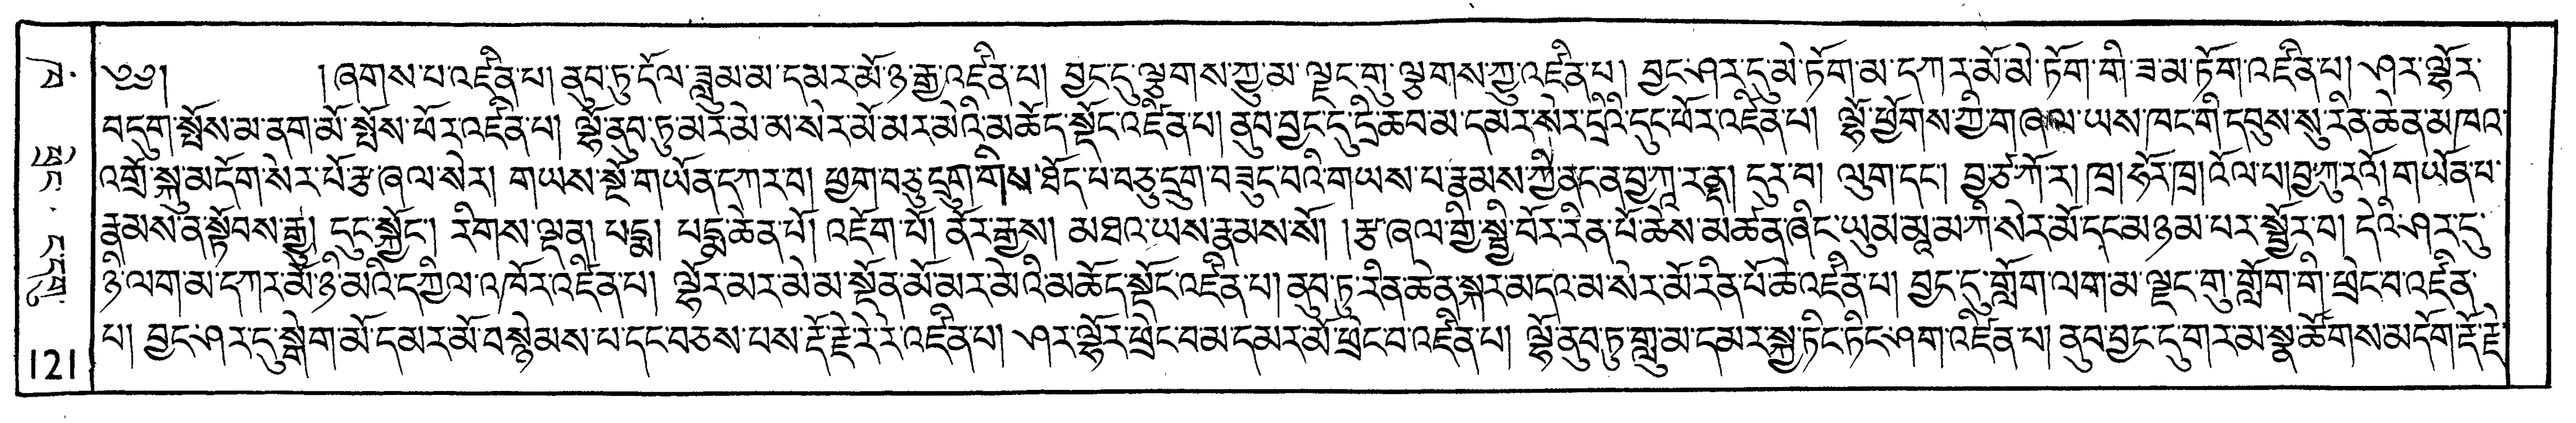༄༅། །ཞགས་པ་འཛིན་པ། ནུབ་ཏུ་དོལ་ཟླུམ་མ་དམར་མོ་ཉ་རྒྱ་འཛིན་པ། བྱང་དུ་ལྕགས་ཀྱུ་མ་ལྗང་གུ་ལྕགས་ཀྱུ་འཛིན་པ། བྱང་ཤར་དུ་མེ་ཏོག་མ་དཀར་མོ་མེ་ཏོག་གི་ཟ་མ་ཏོག་འཛིན་པ། ཤར་ལྷོར་
བདུག་སྤོས་མ་ནག་མོ་སྤོས་ཕོར་འཛིན་པ། ལྷོ་ནུབ་ཏུ་མར་མེ་མ་སེར་མོ་མར་མེའི་མཆོད་སྡོང་འཛིན་པ། ནུབ་བྱང་དུ་དྲི་ཆབ་མ་དམར་སེར་དྲིའི་དུང་ཕོར་འཛིན་པ། ལྷོ་ཕྱོགས་ཀྱི་གཞལ་ཡས་ཁང་གི་དབུས་སུ་རིན་ཆེན་མཁའ་
འགྲོ་སྐུ་མདོག་སེར་པོ་རྩ་ཞལ་སེར། གཡས་སྔོ་གཡོན་དཀར་བ། ཕྱག་བཅུ་དྲུག་གིས་ཐོད་པ་བཅུ་དྲུག་བཟུང་བའི་གཡས་པ་རྣམས་ཀྱི་ནང་ན་བྱ་ཀཱ་ར་ནྡ། དུར་བ། ལུག་དང་། བྱ་ཙ་ཀོ་ར། ཁྲ། ཧོར་ཁྲ། འོལ་པ། བྱ་ཀུ་རའོ། གཡོན་པ་
རྣམས་ན་སྟོབས་རྒྱུ། དུང་སྐྱོང་། རིགས་ལྡན། པདམ། པདམ་ཆེན་པོ། འཇོག་པོ། ནོར་རྒྱས། མཐའ་ཡས་རྣམས་སོ། །རྩ་ཞལ་གྱི་སྤྱི་བོར་རིན་པོ་ཆེས་མཚན་ཞིང་ཡུམ་མཱ་མ་ཀི་སེར་མོ་དང་མཉམ་པར་སྦྱོར་བ། དེའི་ཤར་དུ་
ཉི་ལག་མ་དཀར་མོ་ཉི་མའི་དཀྱིལ་འཁོར་འཛིན་པ། ལྷོར་མར་མེ་མ་སྔོན་མོ་མར་མེའི་མཆོད་སྡོང་འཛིན་པ། ནུབ་ཏུ་རིན་ཆེན་སྐར་མདའ་མ་སེར་མོ་རིན་པོ་ཆེ་འཛིན་པ། བྱང་དུ་གློག་ལག་མ་ལྗང་གུ་གློག་གི་ཕྲེང་བ་འཛིན་
པ། བྱང་ཤར་དུ་སྒེག་མོ་དམར་མོ་བསྙེམས་པ་དང་བཅས་པས་རྡོ་རྗེ་རེ་རེ་འཛིན་པ། ཤར་ལྷོར་ཕྲེང་བ་མ་དམར་མོ་ཕྲེང་བ་འཛིན་པ། ལྷོ་ནུབ་ཏུ་གླུ་མ་དམར་སྐྱ་ཏིང་ཏིང་ཤག་འཛིན་པ། ནུབ་བྱང་དུ་གར་མ་སྣ་ཚོགས་མདོག་རྡོ་རྗེ་